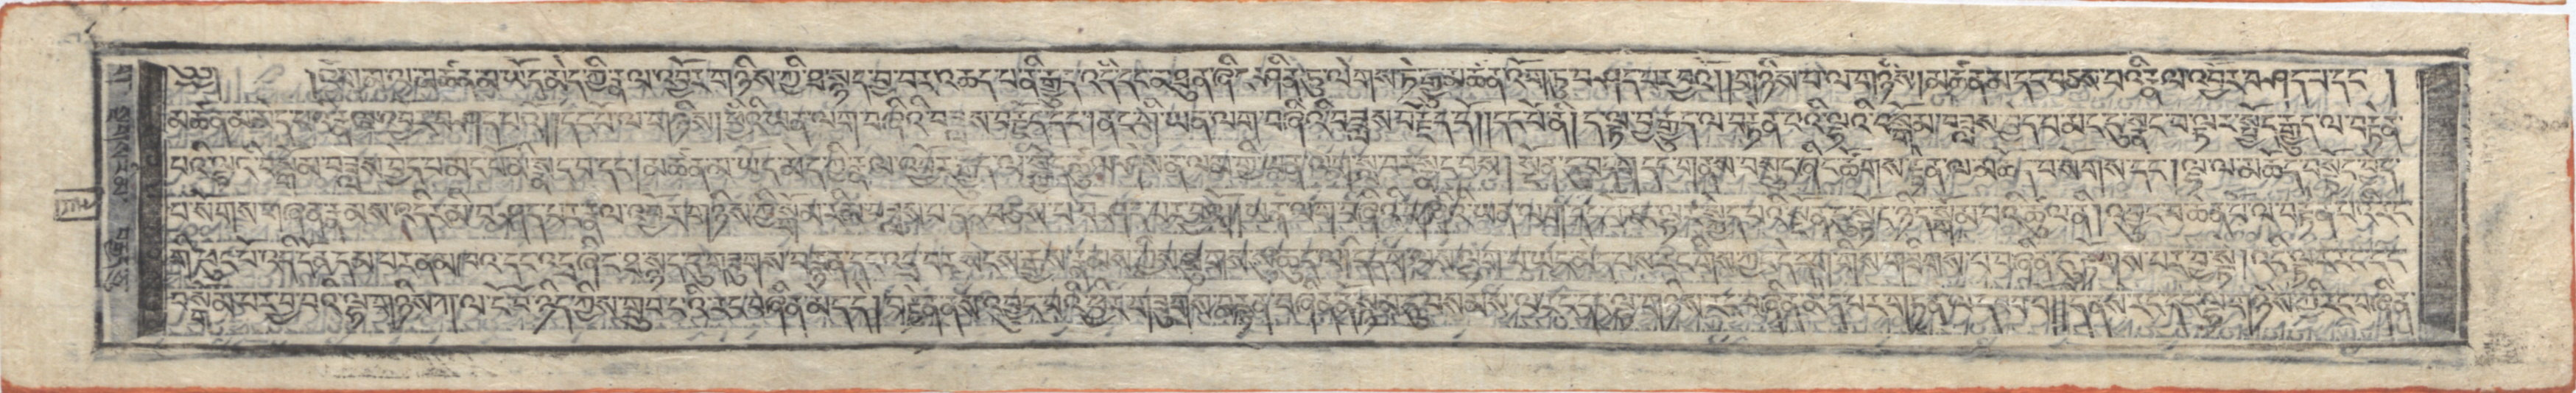༄༅། །འོག་མ་ལ་མཚན་མ་ཡོད་མེད་ཀྱི་རྣལ་འབྱོར་གཉིས་ཀྱི་ཐ་སྙད་བྱ་བར་འཆད་པ་ནི་རྒྱུད་འདི་དང་མཐུན་ཞིང་ཤིན་ཏུ་ལེགས་ཏེ་རྒྱུ་མཚན་འོག་ཏུ་བཤད་པར་བྱའོ། །གཉིས་པ་ལ་གཉིས། མཚན་མ་དང་བཅས་པའི་རྣལ་འབྱོར་བཤད་པ་དང་།
མཚན་མ་མེད་པའི་རྣལ་འབྱོར་བཤད་པའོ། །དང་པོ་ལ་གཉིས། ཕྱིའི་ཡན་ལག་བཞིའི་བཟླས་བརྗོད་དང་། ནང་གི་ཡན་ལག་བཞིའི་བཟླས་བརྗོད་དོ། །དང་པོ་ནི། ད་ལྟ་བྱ་རྒྱུད་ལ་བརྟེན་པའི་ལྷའི་བསྒོམ་བཟླས་བྱེད་པ་མང་དུ་སྣང་བ་ལྟར་སྤྱོད་རྒྱུད་ལ་བརྟེན་
པའི་ལྷའི་བསྒོམ་བཟླས་བྱེད་པ་མང་པོ་མི་སྣང་བ་དང་། མཚན་མ་ཡོད་མེད་ཀྱི་རྣལ་འབྱོར་རྒྱུད་ལ་སྐྱེད་ཚུལ་ཤེས་ན་ལམ་གྱི་ཡན་ལག་སླ་བར་སྣང་བས། སྔོན་དུ་བདག་དང་གནས་བསྲུང་ཞིང་ཚོགས་རྟེན་ལ་མཆོད་པ་སོགས་དང་། ལྷ་ལ་མཆོད་བསྟོང་བྱེད་
པ་སོགས་གཞན་རྣམས་འདིར་མི་བཤད་པར་རྣལ་འབྱོར་གཉིས་ཀྱི་སྒོམ་རིམ་བཟླས་པ་དང་བཅས་པ་བཤད་པར་བྱའོ། །ཡན་ལག་བཞིའི་གཞིའི་ཡན་ལག་དང་པོ་རང་ལྷར་སྐྱེད་པའི་སྔོན་དུ་སྟོང་ཉིད་སྒོམ་པའི་ཚུལ་ནི། འབྱུང་བ་ཆེན་པོ་ལ་བརྟེན་པའི་རང་
གི་ཕུང་པོ་འདི་དོན་དམ་པར་ནམ་མཁའ་དང་འདྲ་ཞིང་ཐ་སྙད་དུ་གཟུགས་བརྙན་དང་འདྲ་བར་སངས་རྒྱས་རྣམས་ཀྱིས་ཐུགས་སུ་ཆུད་ལ། དེ་དག་ལས་ལྷག་པ་ཡང་མེད་པས་རང་གིས་ཀྱང་དེ་དག་གིས་གཟིགས་པ་བཞིན་དུ་རྟོགས་པར་བྱ་སྟེ། འདི་ལྟར་རང་དང་
བསྒོམ་པར་བྱ་བའི་ལྷ་གཉིས་ཀ་ལ་ངོ་བོ་ཉིད་ཀྱིས་གྲུབ་པའི་རང་བཞིན་མེད་དེ། བརྟེན་ནས་འབྱུང་བའི་ཕྱིར་གཟུགས་བརྙན་བཞིན་ནོ་སྙམ་དུ་བསམས་ལ་རང་དང་ལྷ་གཉིས་རང་བཞིན་མེད་པར་གཏན་ལ་དབབ་བོ། །དེ་ནས་རང་དང་ལྷ་གཉིས་ཀྱི་རང་བཞིན་